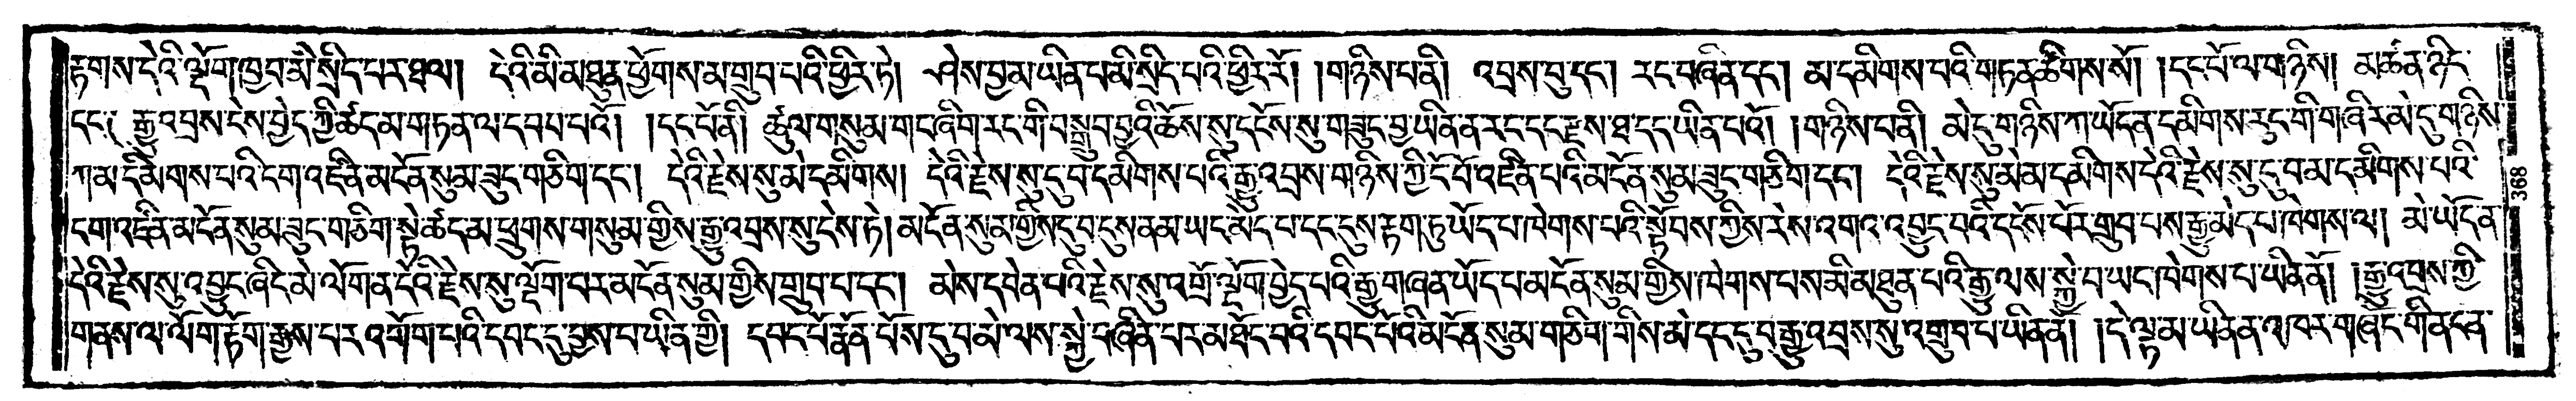རྟགས་དེའི་ལྡོག་ཁྱབ་མི་སྲིད་པར་ཐལ། དེའི་མི་མཐུན་ཕྱོགས་མ་གྲུབ་པའི་ཕྱིར་ཏེ། ཤེས་བྱ་མ་ཡིན་པ་མི་སྲིད་པའི་ཕྱིར་རོ། །གཉིས་པ་ནི། འབྲས་བུ་དང་། རང་བཞིན་དང་། མ་དམིགས་པའི་གཏན་ཚིགས་སོ། །དང་པོ་ལ་གཉིས། མཚན་ཉིད་
དང་། རྒྱུ་འབྲས་ངེས་བྱེད་ཀྱི་ཚད་མ་གཏན་ལ་དབབ་པའོ། །དང་པོ་ནི། ཚུལ་གསུམ་གང་ཞིག་རང་གི་བསྒྲུབ་བྱའི་ཆོས་སུ་དངོས་སུ་གཟུང་བྱ་ཡིན་ན་རང་དང་རྫས་ཐ་དད་ཡིན་པའོ། །གཉིས་པ་ནི། མེ་དུ་གཉིས་ཀ་ཡོད་ན་དམིགས་རུང་གི་གཞིར་མེ་དུ་གཉིས་
ཀ་མ་དམིགས་པའི་ངག་འཛིན་མངོན་སུམ་ཟུང་གཅིག་དང་། དེའི་རྗེས་སུ་མེ་དམིགས། དེའི་རྗེས་སུ་དུ་བ་དམིགས་པའི་རྒྱུ་འབྲས་གཉིས་ཀྱི་ངོ་བོ་འཛིན་པའི་མངོན་སུམ་ཟུང་གཅིག་དང་། དེའི་རྗེས་སུ་མེ་མ་དམིགས་དེའི་རྗེས་སུ་དུ་བ་མ་དམིགས་པའི་
དག་འཛིན་མངོན་སུམ་ཟུང་གཅིག་སྟེ་ཚད་མ་ཕྲུགས་གསུམ་གྱིས་རྒྱུ་འབྲས་སུ་ངེས་ཏེ། མངོན་སུམ་གྱིས་དུ་བ་དུས་ནམ་ཡང་མེད་པ་དང་དུས་རྟག་ཏུ་ཡོད་པ་ཁེགས་པའི་སྟོབས་ཀྱིས་རེས་འགའ་འབྱུང་བའི་དངོས་པོར་གྲུབ་པས་རྒྱུ་མེད་པ་ཁེགས་ལ། མེ་ཡོད་ན་
དེའི་རྗེས་སུ་འབྱུང་ཞིང་མེ་ལོག་ན་དེའི་རྗེས་སུ་ལྡོག་པར་མངོན་སུམ་གྱིས་གྲུབ་པ་དང་། མེས་དབེན་པའི་རྗེས་སུ་འགྲོ་ལྡོག་བྱེད་པའི་རྒྱུ་གཞན་ཡོད་པ་མངོན་སུམ་གྱིས་ཁེགས་པས་མི་མཐུན་པའི་རྒྱུ་ལས་སྐྱེ་བ་ཡང་ཁེགས་པ་ཡིན་ནོ། །རྒྱུ་འབྲས་ཀྱི་
གནས་ལ་ལོག་རྟོག་རྒྱས་པར་འགོག་པའི་དབང་དུ་བྱས་པ་ཡིན་གྱི། དབང་པོ་རྣོན་པོས་དུ་བ་མེ་ལས་སྐྱེ་བཞིན་པར་མཐོང་བའི་དབང་པོའི་མངོན་སུམ་གཅིག་གིས་མེ་དང་དུ་བ་རྒྱུ་འབྲས་སུ་འགྲུབ་པ་ཡིན་ནོ། །དེ་ལྟ་མ་ཡིན་ན་འཁར་གཞོང་གི་ནང་ན་